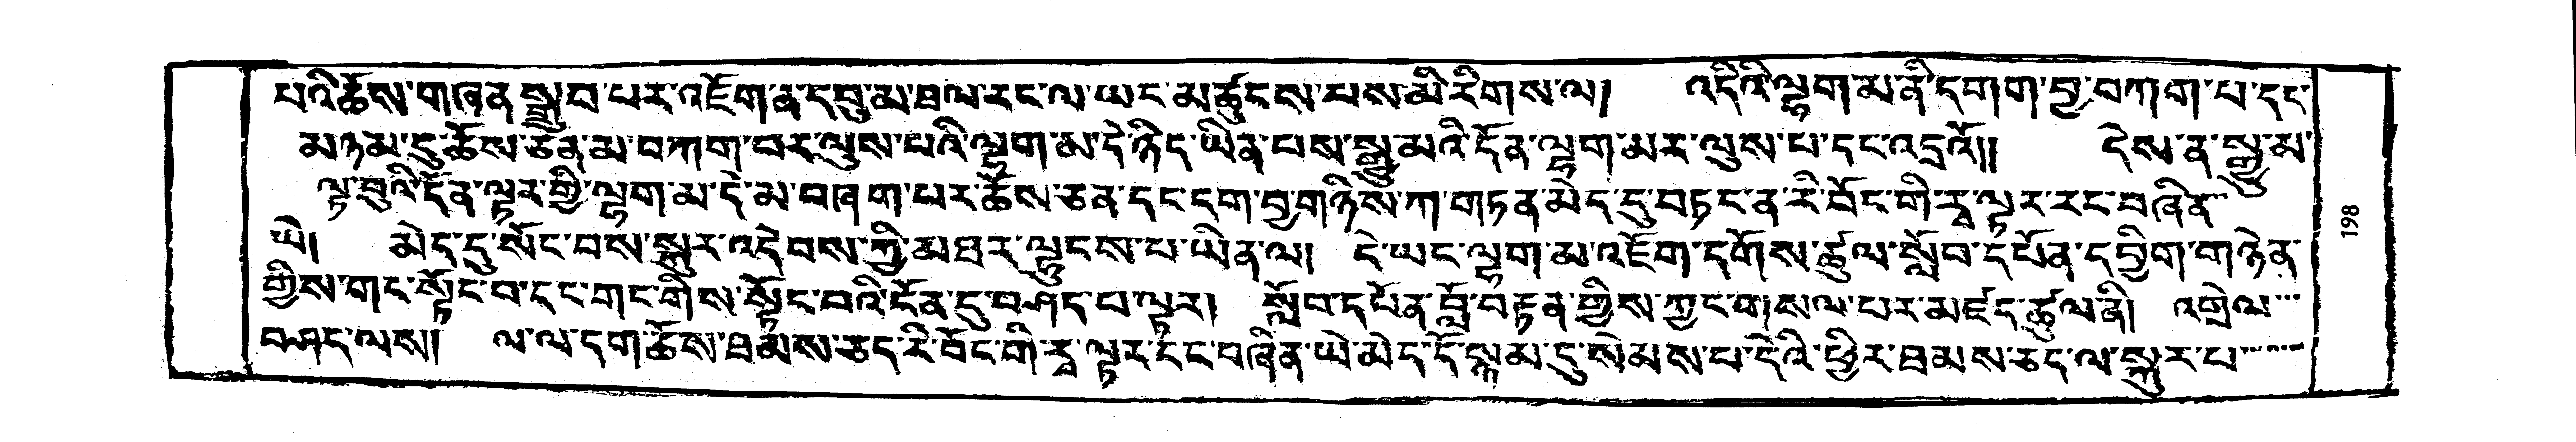པའི་ཆོས་གཞན་སྒྲུབ་པར་འཇོག་ན་དབུ་མ་ཐལ་རང་ལ་ཡང་མཚུངས་པས་མི་རིགས་ལ། འདིའི་ལྷག་མ་ནི་དགག་བྱ་བཀག་པ་དང་
མཉམ་དུ་ཆོས་ཅན་མ་བཀག་བར་ལུས་པའི་ལྷག་མ་དེ་ཉིད་ཡིན་པས་སྒྱུ་མའི་དོན་ལྷག་མར་ལུས་པ་དང་འདྲའོ། །དེས་ན་སྒྱུ་མ་
ལྟ་བུའི་དོན་ལྟར་གྱི་ལྷག་མ་དེ་མ་བཞག་པར་ཆོས་ཅན་དང་དག་བྱ་གཉིས་ཀ་གཏན་མེད་དུ་བཏང་ན་རི་བོང་གི་རྭ་ལྟར་རང་བཞིན་
ཡེ། མེད་དུ་སོང་བས་སྐུར་འདེབས་ཀྱི་མཐར་ལྷུངས་པ་ཡིན་ལ། དེ་ཡང་ལྷག་མ་འཇོག་དགོས་ཚུལ་སློབ་དཔོན་དབྱིག་གཉེན་
གྱིས་གང་སྟོང་བ་དང་གང་གིས་སྟོང་བའི་དོན་དུ་བཤད་པ་ལྟར། སློབ་དཔོན་བློ་བརྟན་གྱིས་ཀྱང་གསལ་པར་མཛད་ཚུལ་ནི། འགྲེལ་
བཤད་ལས། ལ་ལ་དག་ཆོས་ཐམས་ཅད་རི་བོང་གི་རྭ་ལྟར་ངང་བཞིན་ཡེ་མེད་དོ་སྙམ་དུ་སེམས་པ་དེའི་ཕྱིར་ཐམས་ཅད་ལ་སྐུར་པ་